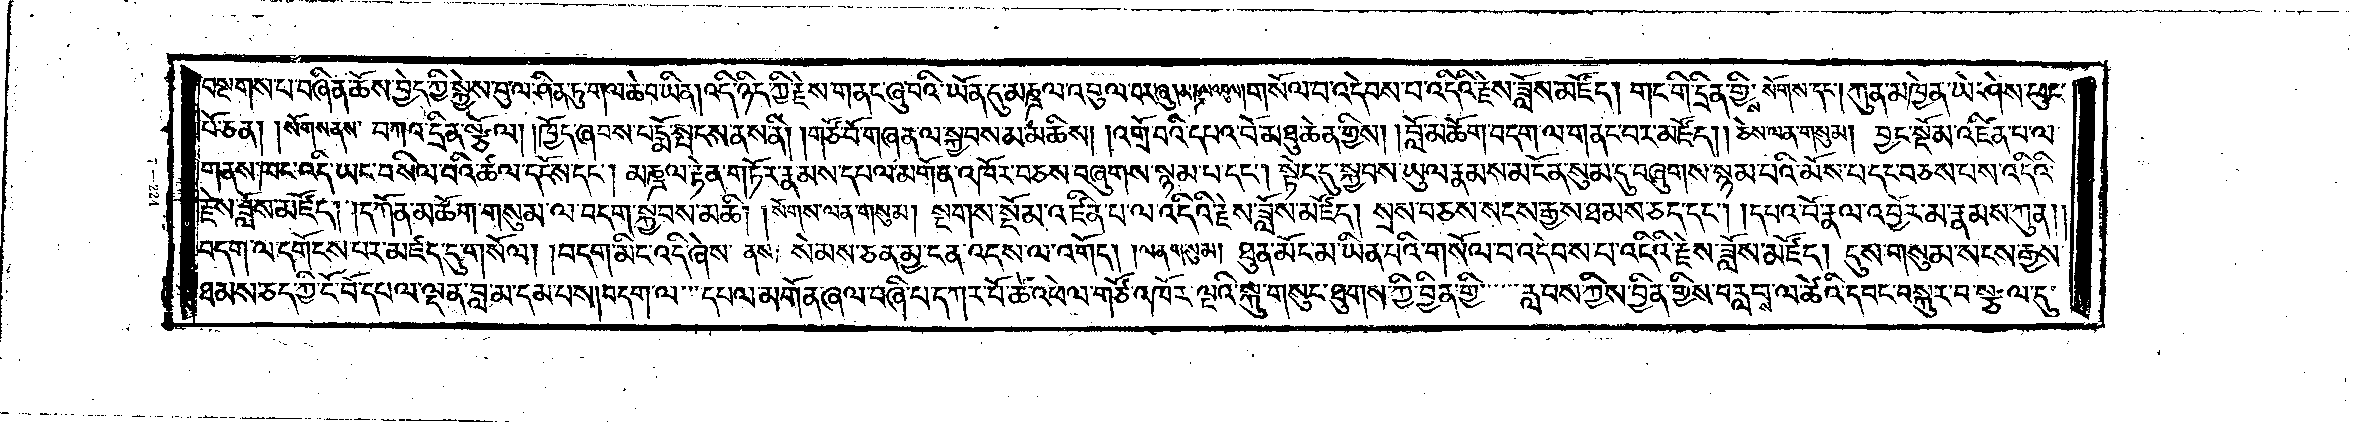སྔགས་པ་བཞིན་ཆོས་བྱེད་ཀྱི་སྐྱེས་བུ་ལ་ཤིན་ཏུ་གལ་ཆེ་བ་ཡིན། འདི་ཉིད་ཀྱི་རྗེས་གནང་ཞུ་བའི་ཡོན་དུ་མཎྜལ་འབུལ་བར་ཞུ། མཎྜལ་འབུལ།  གསོལ་བ་འདེབས་པ་འདིའི་རྗེས་ཟློས་མཛོད། གང་གི་དྲིན་གྱིས་སོགས་དང་།  ཀུན་མཁྱེན་ཡེ་ཤེས་ཆུང་
བོ་ཅན། །སོགས་ནས་བཀའ་དྲིན་སྩོལ། །ཁྱོད་ཞབས་པདམོ་སྤངས་ནས་ནི། །གཙོ་བོ་གཞན་ལ་སྐྱབས་མ་མཆིས། །འགྲོ་བའི་དཔའ་བོ་མཐུ་ཆེན་གྱིས། །བློ་མཆོག་བདག་ལ་གནང་བར་མཛོད། །ཅེས་ལན་གསུམ།  བྱང་སྡོམ་འཛིན་པ་ལ་
གནས་ཁང་འདི་ཡང་བསིལ་བའི་ཚུལ་དངོས་དང་། མཎྜལ་རྟེན་གཏོར་རྣམས་དཔལ་མགོན་འཁོར་བཅས་བཞུགས་སྙམ་པ་དང་། སྟེང་དུ་སྐྱབས་ཡུལ་རྣམས་མངོན་སུམ་དུ་བཞུགས་སྙམ་པའི་མོས་པ་དང་བཅས་པས་འདིའི་
ཅེས་ཟློས་མཛོད། །དཀོན་མཆོག་གསུམ་ལ་བདག་སྐྱབས་མཆི། །སོགས་ལན་གསུམ།  སྔགས་སྡོམ་འཛིན་པ་ལ་འདིའི་རྗེས་ཟློས་མཛོད། སྲས་བཅས་སངས་རྒྱས་ཐམས་ཅད་དང་། །དཔའ་པོ་རྣལ་འབྱོར་མ་རྣམས་ཀུན། །
བདག་ལ་དགོངས་པར་མཛད་དུ་གསོལ། །བདག་མིང་འདི་ཞེས་ནས༑  སེམས་ཅན་མྱ་ངན་འདས་ལ་འགོད། །ལན་གསུམ།  ཐུན་མོང་མ་ཡིན་པའི་གསོལ་བ་འདེབས་པ་འདིའི་རྗེས་ཟློས་མཛོད། དུས་གསུམ་སངས་རྒྱས་
ཐམས་ཅད་ཀྱི་ངོ་བོ་དཔལ་ལྡན་བླ་མ་དམ་པས། བདག་ལ་དཔལ་མགོན་ཞལ་བཞི་པ་དཀར་པོ་ཚེ་འཕེལ་གཙོ་འཁོར་ལྔའི་སྐུ་གསུང་ཐུགས་ཀྱི་བྱིན་གྱི་རླབས་ཀྱིས་བྱིན་གྱིས་བརླབས་ལ་ཚེའི་དབང་བསྐུར་བ་སྩལ་དུ་